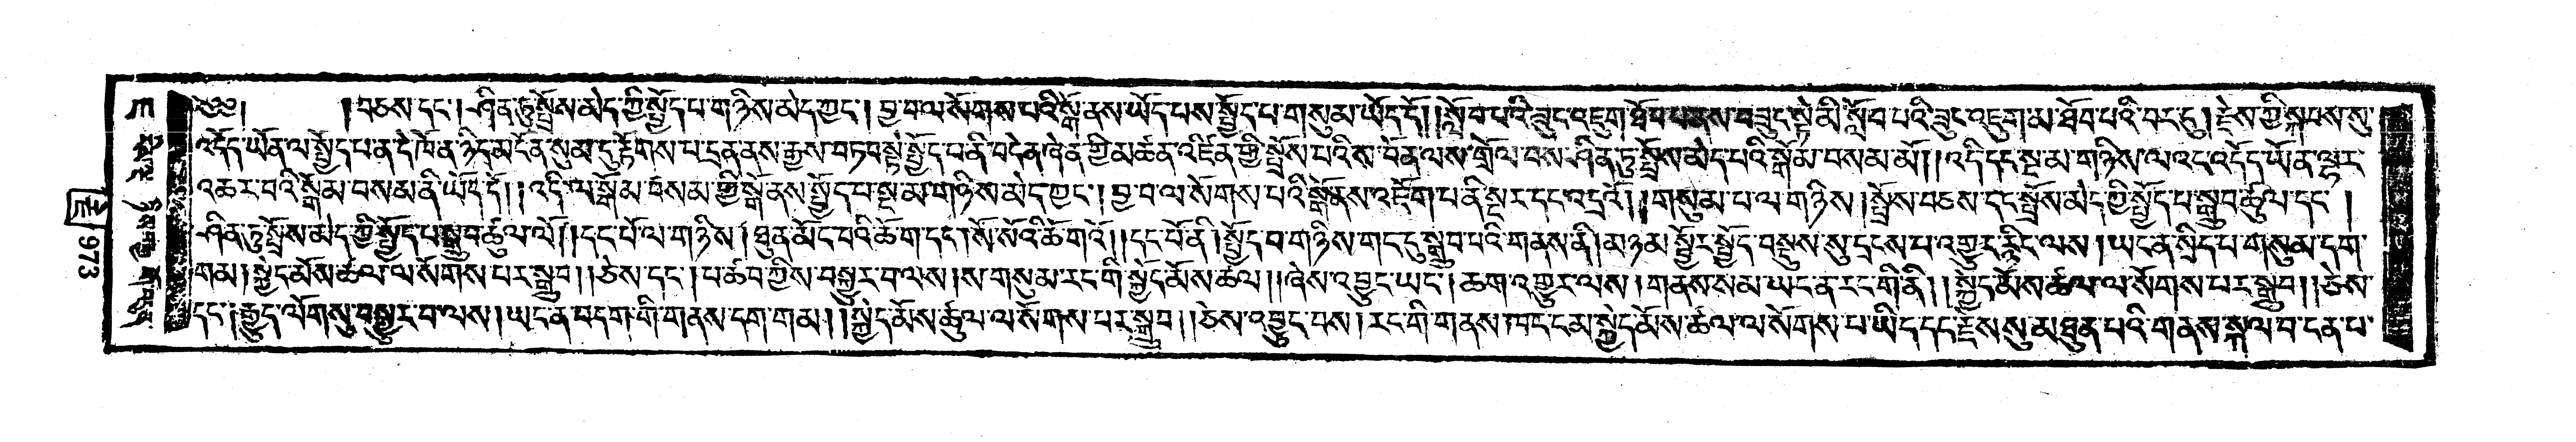༄༅། །བཅས་དང་། ཤིན་ཏུ་སྤྲོས་མེད་ཀྱི་སྤྱོད་པ་གཉིས་མེད་ཀྱང་། བྱ་བ་ལ་སོགས་པའི་སྒོ་ནས་ཡོད་པས་སྤྱོད་པ་གསུམ་ཡོད་དོ། །སློབ་པའི་ཟུང་འཇུག་ཐོབ་པ་ནས་བཟུང་སྟེ་མི་སློབ་པའི་ཟུང་འཇུག་མ་ཐོབ་པའི་བར་དུ། རྗེས་ཀྱི་སྐབས་སུ་
འདོད་ཡོན་ལ་སྤྱོད་པ་ན་དེ་ཁོ་ན་ཉིད་མངོན་སུམ་དུ་རྟོགས་པ་དྲན་ནས་རྒྱས་བཏབ་སྟེ་སྤྱོད་པ་ནི་བདེན་ཞེན་གྱི་མཚན་འཛིན་གྱི་སྤྲོས་པའི་ས་བོན་ལས་གྲོལ་བས་ཤིན་ཏུ་སྤྲོས་མེད་པའི་སྒོམ་བསམ་མོ། །འདི་དང་སྔ་མ་གཉིས་ལའང་འདོད་ཡོན་ལྷར་
འཆར་བའི་སྒོམ་བསམ་ནི་ཡོད་དོ། །འདི་ལ་སྒོམ་བསམ་གྱི་སྒོ་ནས་སྤྱོད་པ་སྔ་མ་གཉིས་མེད་ཀྱང་། བྱ་བ་ལ་སོགས་པའི་སྒོ་ནས་འཇོག་པ་ནི་སྔར་དང་འདྲའོ། །གསུམ་པ་ལ་གཉིས། སྤྲོས་བཅས་དང་སྤྲོས་མེད་ཀྱི་སྤྱོད་པ་སྒྲུབ་ཚུལ་དང་།
ཤིན་ཏུ་སྤྲོས་མེད་ཀྱི་སྤྱོད་པ་སྒྲུབ་ཚུལ་ལོ། །དང་པོ་ལ་གཉིས། ཐུན་མོང་བའི་ཆོ་ག་དང་། སོ་སོའི་ཆོ་གའོ། །དང་པོ་ནི། སྤྱོད་པ་གཉིས་གང་དུ་སྒྲུབ་པའི་གནས་ནི། མཉམ་སྦྱོར་སྤྱོད་བསྡུས་སུ་དྲངས་པ་འགྱུར་རྙིང་ལས། ཡང་ན་སྲིད་པ་གསུམ་དག་
གམ། སྐྱེད་མོས་ཚལ་ལ་སོགས་པར་སྒྲུབ། །ཅེས་དང་། པ་ཚབ་ཀྱིས་བསྒྱུར་བ་ལས། ས་གསུམ་རང་གི་སྐྱེད་མོས་ཚལ། །ཞེས་འབྱུང་ཡང་། ཆག་འགྱུར་ལས། གནས་སམ་ཡང་ན་རང་གི་ནི། །སྐྱེད་མོས་ཚལ་ལ་སོགས་པར་སྒྲུབ། །ཅེས་
དང་། རྒྱུད་ལོགས་སུ་བསྒྱུར་བ་ལས། ཡང་ན་བདག་གི་གནས་དག་གམ། །སྐྱེད་མོས་ཚུལ་ལ་སོགས་པར་སྒྲུབ། །ཅེས་འབྱུང་བས། རང་གི་གནས་ཁང་ངམ་སྐྱེད་མོས་ཚལ་ལ་སོགས་པ་ཡིད་དང་རྗེས་སུ་མཐུན་པའི་གནས་སྐལ་བ་ངན་པ་